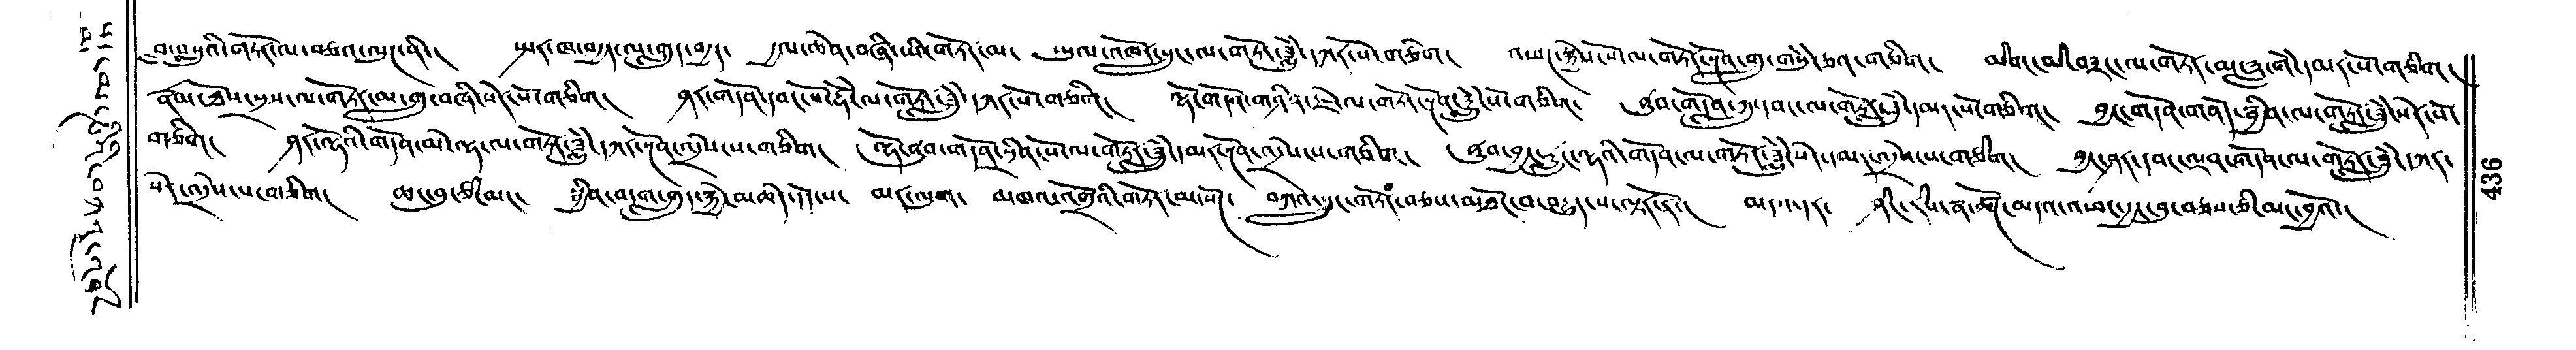བླ་བསླུའི་གཏོར་མ་བཅའ་ལུགས་ནི། སྤར་ཁ་བརྒྱད་ལ་གླུད་བརྒྱད། རྒྱལ་ཆེན་བཞི་ཡི་གཏོར་མ། ཡུལ་འཁོར་སྲུང་ལ་གཏོར་ཟླུམ་དཀར་པོ་གཅིག འཕགས་སྐྱེས་པོ་ལ་གཏོར་སྔོན་གྲུ་གསུམ་ཅན་གཅིག མིག་མི་བཟང་ལ་གཏོར་མ་ཟླ་གམ་དམར་པོ་གཅིག 
རྣམ་ཐོས་སྲས་ལ་གཏོར་མ་གྲུ་བཞི་སེར་པོ་གཅིག ཤར་གདོན་དབང་པོ་རྡོ་རྗེ་ལ་གཏོར་ཟླུམ་དཀར་པོ་གཅིག ལྷོ་གདོན་གཤིན་རྗེ་ལ་གཏོར་སྔོན་ཟླུམ་པོ་གཅིག ནུབ་གདོན་དབང་ལྡན་ལ་གཏོར་ཟླུམ་དམར་པོ་གཅིག བྱང་གདོན་གནོད་སྦྱིན་ལ་གཏོར་ཟླུམ་སེར་པོ་
གཅིག ཤར་ལྷོའི་གདོན་མེ་ལྷ་ལ་གཏོར་ཟླུམ་དཀར་སྔོན་འདྲེས་པ་གཅིག ལྷོ་ནུབ་གདོན་སྲིན་པོ་ལ་གཏོར་ཟླུམ་དམར་སྔོན་འདྲེས་པ་གཅིགནུབ་བྱང་རླུང་ལྷའི་གདོན་ལ་གཏོར་ཟླུམ་སེར་དམར་འདྲེས་པ་གཅིག བྱང་ཤར་དབང་ལྡན་ལ་གཏོར་ཟླུམ་དཀར་
སེར་འདྲེས་པ་གཅིག ཆང་བུ་གཅིག སྦྱིན་བདག་གླུད་སྐྱེ་མཆེད་དོད་པ། མར་ལུག མཁའ་འགྲོའི་གཏོར་མ་སོགས། བཀའ་སྲུང་གཏོར་མ་བཅས་མཐོང་བ་བརྒྱུད་པ་ལྟར་རོ། མདའ་དར། ཤིང་རིས་སྣ་ཚོགས་མདའ་འཕང་རྒྱང་བུ་བཅས་ཅི་མང་བྱའོ།། དགེའོ།།